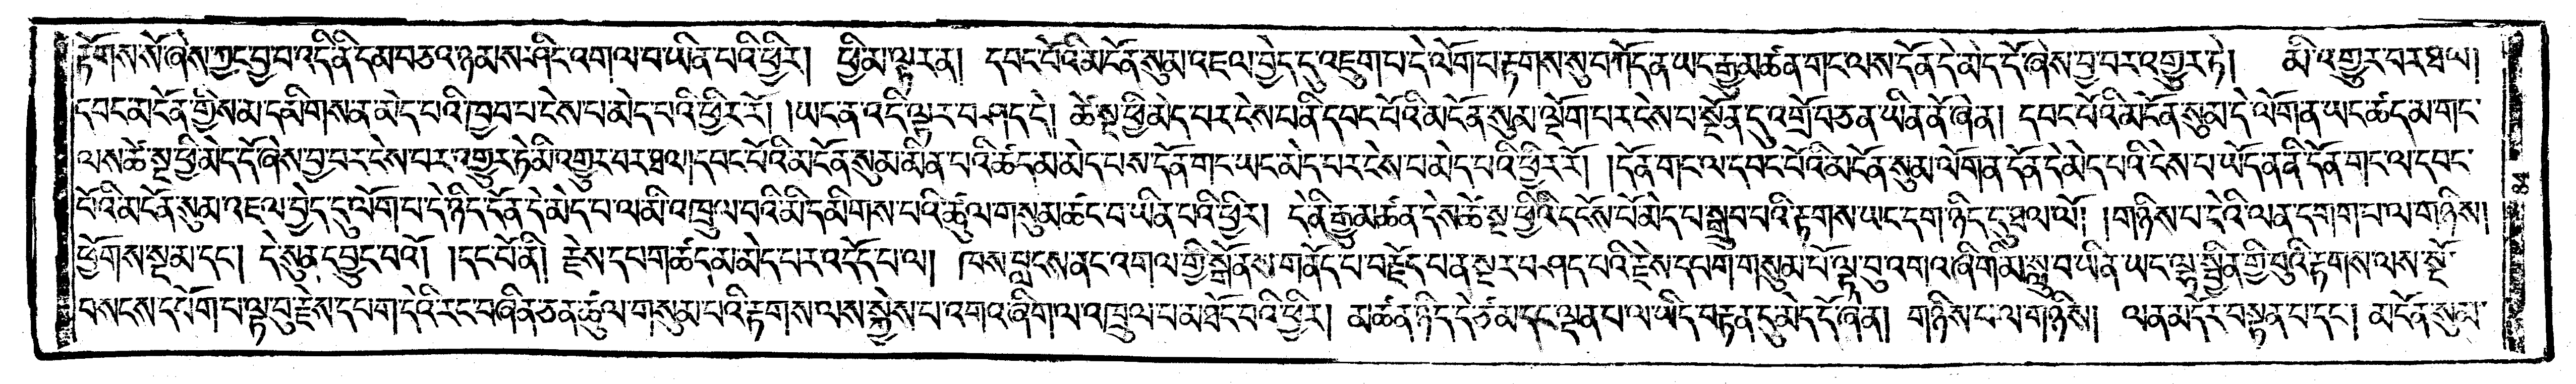རྟོགས་སོ་ཞེས་ཀྱང་བྱ་བ་འདི་ནི་དམ་བཅའ་ཉམས་ཤིང་འགལ་བ་ཡིན་པའི་ཕྱིར། ཕྱི་མ་ལྟར་ན། དབང་པོའི་མངོན་སུམ་འཇལ་བྱེད་དུ་འཇུག་པ་དེ་ལོག་པ་རྟགས་སུ་བཀོད་ན་ཡང་རྒྱུ་མཚན་གང་ལས་དོན་དེ་མེད་དོ་ཞེས་བྱ་བར་འགྱུར་ཏེ། མི་འགྱུར་བར་ཐལ།
དབང་མངོན་གྱིས་མ་དམིགས་ན་མེད་པའི་ཁྱབ་པ་ངེས་པ་མེད་པའི་ཕྱིར་རོ། །ཡང་ན་འདི་ལྟར་བཤད་དེ། ཚེ་སྔ་ཕྱི་མེད་པར་ངེས་པ་ནི་དབང་པོའི་མངོན་སུམ་ལྡོག་པར་ངེས་པ་སྔོན་དུ་འགྲོ་བ་ཅན་ཡིན་ནོ་ཞེ་ན། དབང་པོའི་མངོན་སུམ་དེ་ལོག་ན་ཡང་ཚད་མ་གང་
ལས་ཚེ་སྔ་ཕྱི་མེད་དོ་ཞེས་བྱ་བར་ངེས་པར་འགྱུར་ཏེ་མི་འགྱུར་བར་ཐལ། དབང་པོའི་མངོན་སུམ་མིན་པའི་ཚད་མ་མེད་པས་དོན་གང་ཡང་མེད་པར་ངེས་པ་མེད་པའི་ཕྱིར་རོ། །དོན་གང་ལ་དབང་པོའི་མངོན་སུམ་ལོག་ན་དོན་དེ་མེད་པའི་ངེས་པ་ཡོད་ན་ནི་དོན་གང་ལ་དབང་
པོའི་མངོན་སུམ་འཇལ་བྱེད་དུ་ལོག་པ་དེ་ཉིད་དོན་དེ་མེད་པ་ལ་མི་འཁྲུལ་བའི་མི་དམིགས་པའི་ཚུལ་གསུམ་ཚང་བ་ཡིན་པའི་ཕྱིར། དེ་ནི་རྒྱུ་མཚན་དེས་ཚེ་སྔ་ཕྱིའི་དངོས་པོ་མེད་པ་སྒྲུབ་པའི་རྟགས་ཡང་དག་ཉིད་དུ་ཐལ་ལོ། །གཉིས་པ་དེའི་ལན་དགག་པ་ལ་གཉིས།
ཕྱོགས་སྔ་མ་དང་། དེ་སུན་དབྱུང་བའོ། །དང་པོ་ནི། རྗེས་དཔག་ཚད་མ་མེད་པར་འདོད་པ་ལ། ཁས་བླངས་ནང་འགལ་གྱི་སྒོ་ནས་གནོད་པ་བརྗོད་པ་ན་སྔར་བཤད་པའི་རྗེས་དཔག་གསུམ་པོ་ལྟ་བུ་འགའ་ཞིག་མི་སླུ་བ་ཡིན་ཡང་ལྷ་སྦྱིན་གྱི་བུའི་རྟགས་ལས་སྔོ་
བསངས་དཔོག་པ་ལྟ་བུ་རྗེས་དཔག་དེའི་རང་བཞིན་ཅན་ཚུལ་གསུམ་པའི་རྟགས་ལས་སྐྱེས་པ་འགའ་ཞིག་ལ་འཁྲུལ་པ་མཐོང་བའི་ཕྱིར། མཚན་ཉིད་དེ་ཙམ་དང་ལྡན་པ་ལ་ཡིད་བརྟན་དུ་མེད་དོ་ཞེ་ན། གཉིས་པ་ལ་གཉིས། ལན་མདོར་བསྟན་པ་དང་། མངོན་སུམ་